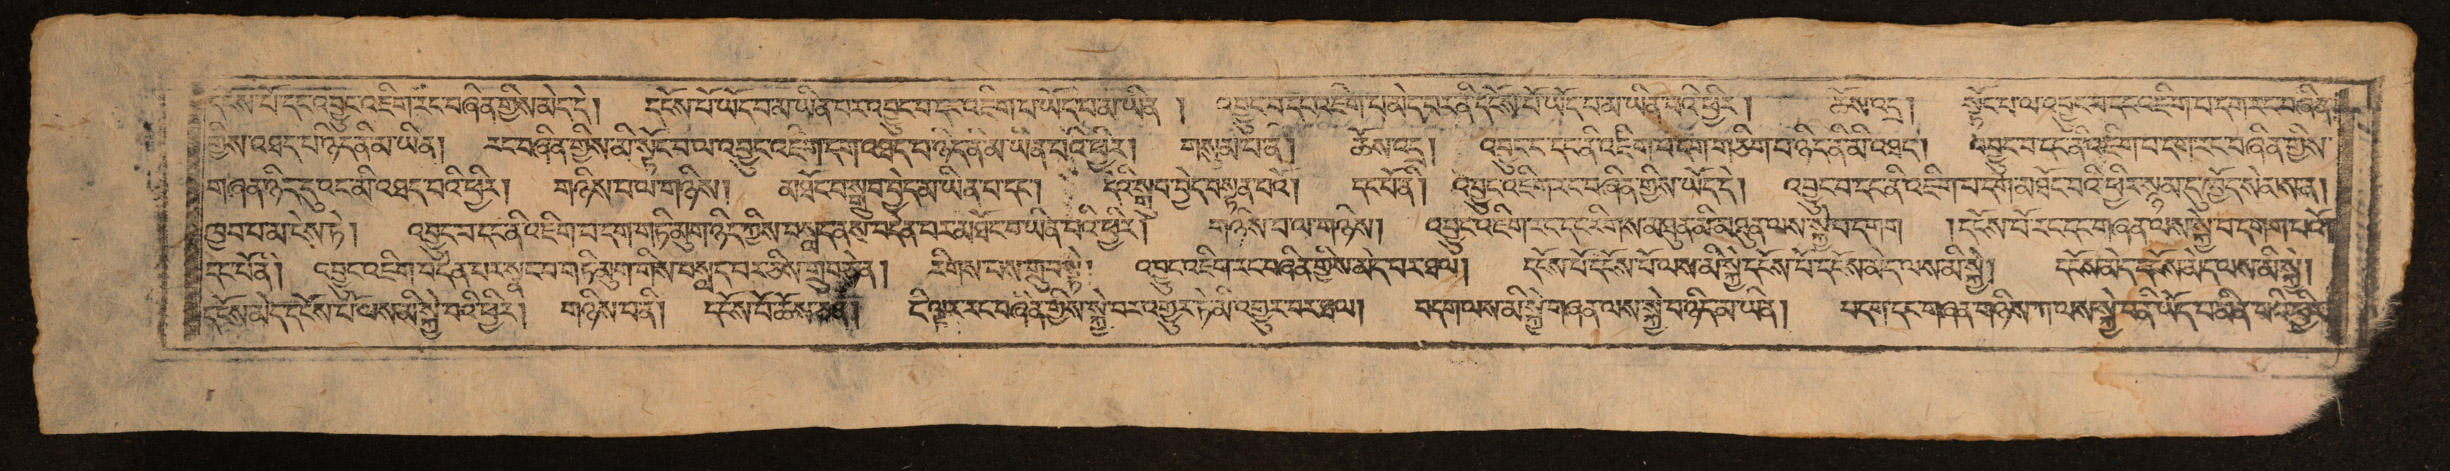དངོས་པོ་དང་འབྱུང་འཇིག་རང་བཞིན་གྱིས་མེད་དེ། དངོས་པོ་ཡོད་པ་མ་ཡིན་པར་འབྱུང་བ་དང་འཇིག་པ་ཡོད་པ་མ་ཡིན། འབྱུང་བ་དང་འཇིག་པ་མེད་པར་ནི་དངོས་པོ་ཡོད་པ་མ་ཡིན་པའི་ཕྱིར། ཆོས་འདྲ། སྟོང་པ་ལ་འབྱུང་བ་དང་འཇིག་པ་དག་རང་བཞིན་
གྱིས་འཐད་པ་ཉིད་ནི་མ་ཡིན། རང་བཞིན་གྱིས་མི་སྟོང་པ་ལ་འབྱུང་འཇིག་དག་འཐད་པ་ཉིད་ནི་མ་ཡིན་པའི་ཕྱིར། གསུམ་པ་ནི། ཆོས་འདྲ། འབྱུང་བ་དང་ནི་འཇིག་བདག་གཅིག་པ་ཉིད་ནི་མི་འཐད། འབྱུང་བ་དང་ནི་འཇིག་པ་དག་རང་བཞིན་གྱིས་
གཞན་ཉིད་དུ་འང་མི་འཐད་པའི་ཕྱིར། གཉིས་པ་ལ་གཉིས། མཐོང་བ་སྒྲུབ་བྱེད་མ་ཡིན་པ་དང་། དེའི་སྒྲུབ་བྱེད་བསྟན་པའོ། དང་པོ་ནི། འབྱུང་འཇིག་རང་བཞིན་གྱིས་ཡོད་དེ། འབྱུང་བ་དང་ནི་འཇིག་པ་དག་མཐོང་བའི་ཕྱིར་སྙམ་དུ་ཁྱོད་སེམས་ན།
ཁྱབ་པ་མ་ངེས་ཏེ། འབྱུང་བ་དང་ནི་འཇིག་པ་དག་གཏི་མུག་ཉིད་ཀྱིས་བསླད་ནས་བདེན་པར་མཐོང་བ་ཡིན་པའི་ཕྱིར། གཉིས་པ་ལ་གཉིས། འབྱུང་འཇིག་རང་དང་རིགས་མཐུན་མི་མཐུན་ལས་སྐྱེ་བ་དགག །དངོས་པོ་རང་དང་གཞན་ལས་སྐྱེ་བ་དགག་པའོ།།
དང་པོ་ནི། འབྱུང་འཇིག་བདེན་པར་སྣང་བ་གཏི་མུག་གིས་བསླད་པར་ཅིས་གྲུབ་ཅེ་ན། རིགས་པས་གྲུབ་སྟེ། འབྱུང་འཇིག་རང་བཞིན་གྱིས་མེད་པར་ཐལ། དངོས་པོ་དངོས་པོ་ལས་མི་སྐྱེ་དངོས་པོ་དངོས་མེད་ལས་མི་སྐྱེ། དངོས་མེད་དངོས་མེད་ལས་མི་སྐྱེ།
དངོས་མེད་དངོས་པོ་ལས་མི་སྐྱེ་བའི་ཕྱིར། གཉིས་པ་ནི། དངོས་པོ་ཆོས་ཅན། ཇི་ལྟར་རང་བཞིན་གྱིས་སྐྱེ་བར་འགྱུར་ཏེ་མི་འགྱུར་བར་ཐལ། བདག་ལས་མི་སྐྱེ་གཞན་ལས་སྐྱེ་བ་ཉིད་མ་ཡིན། བདག་དང་གཞན་གཉིས་ཀ་ལས་སྐྱེ་བ་ནི་ཡོད་པ་མིན་པའི་ཕྱིར་